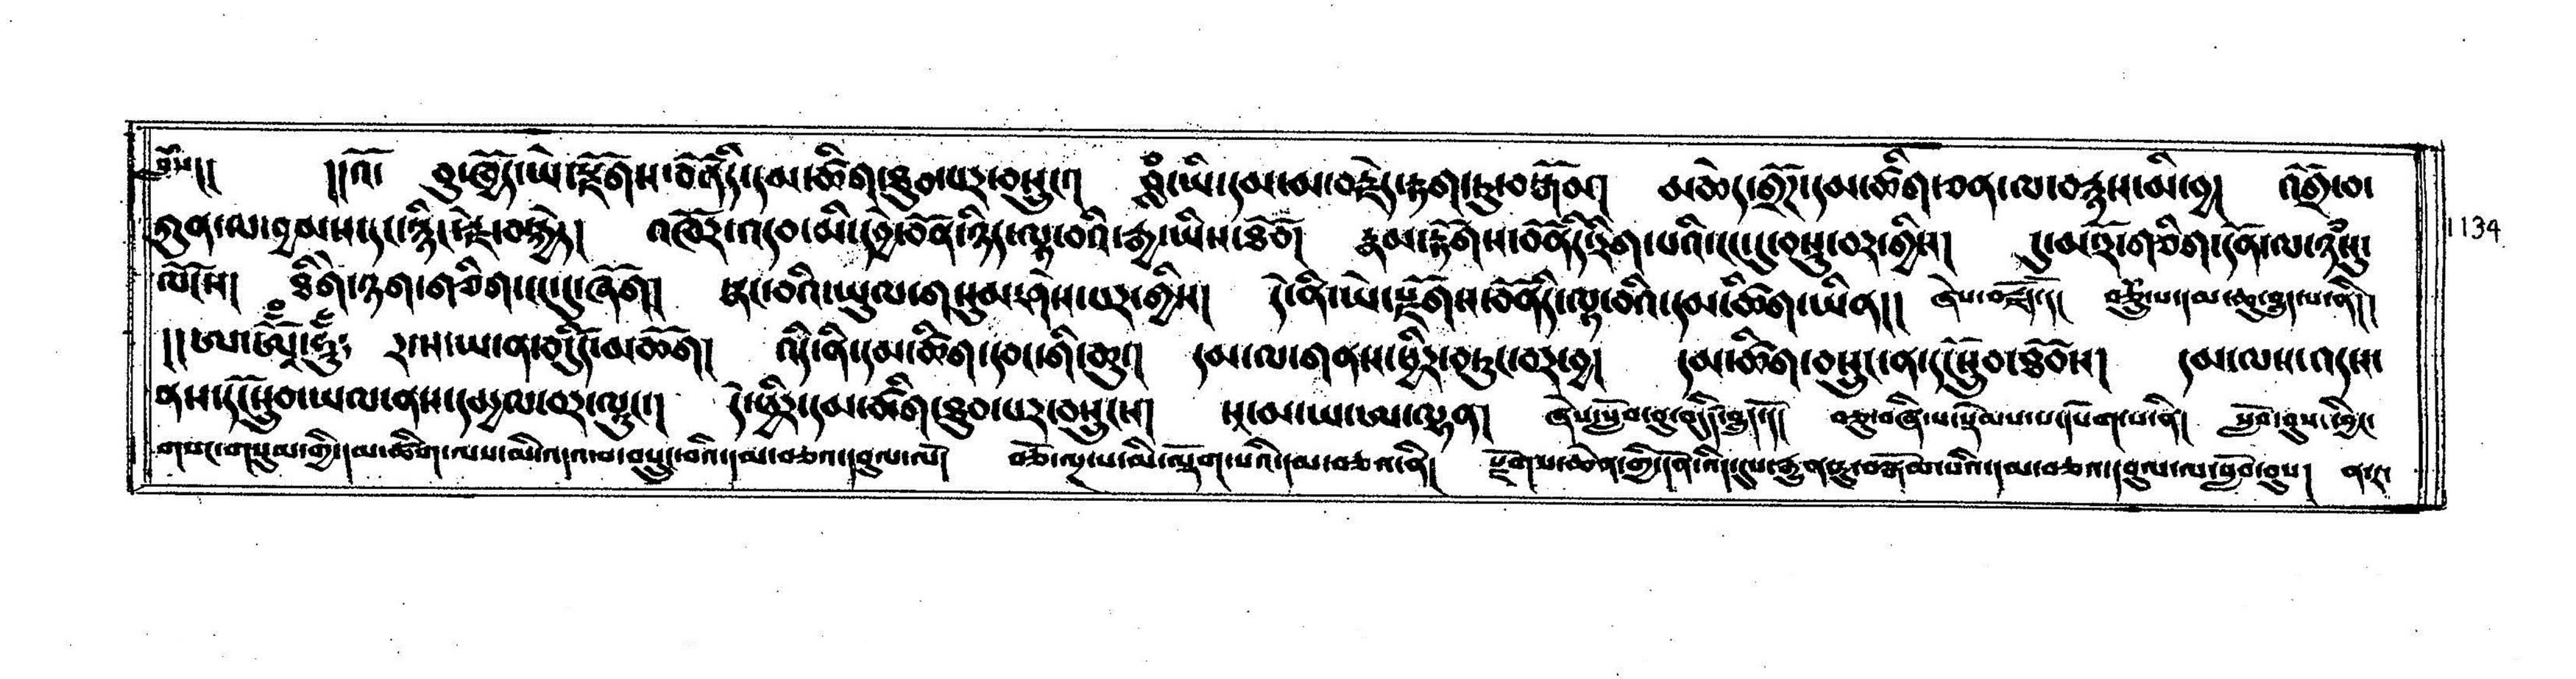བླ་མས།། །།འོ་བུ་ཁྱོད་ཡེ་རྫོགས་བོན་ཉིད་དམ་ཚིག་ཐུབ་པར་བསྲུང་། བླ་མ་ཡི་དམ་མ་བརྗེད་རྟག་ཏུ་བསྒོམ། མཆེད་གྲོགས་དམ་ཚིག་ཅན་ལ་བརྙས་མི་བྱ། འགྲོ་བ་
ཀུན་ལ་བྱམས་དང་སྙིང་རྗེ་བསྐྱེད། འཁོར་འདས་མི་དབྱེ་བོན་ཉིད་ལྟ་བའི་རྒྱ་ཡིས་ཐོབ། རྣམ་རྟོག་བོན་ཉིད་རིག་པའི་ངང་དུ་བསྡུ་བར་གྱིས། དུ་མ་རོ་གཅིག་དོན་ལ་ཉམས་སུ་
ལོངས། ཐིག་ལེ་ཉག་གཅིག་ངང་དུ་ཞོག སྣང་བའི་ཡུལ་གསུམ་ཤེས་པར་གྱིས། དེ་ནི་ཡེ་རྫོགས་བོན་ཉིད་ལྟ་བའི་དམ་ཚིག་ཡིན།། ཞེས་བརྗོད་དོ། བཅུ་གསུམ་པ་དམ་ཆུ་བླུད་པ་ནི།། 
།།ཨ་ཨཱོཾ་ཧཱུྃ། ར་ས་ཡ་ན་བདུད་རྩི་མཆོག འདི་ནི་དམ་ཚིག་དབང་གི་ཆུ། དམ་ལ་གནས་ཕྱིར་བཏུང་བར་བྱ། དམ་ཚིག་བསྲུང་ན་དངོས་གྲུབ་ཐོབ། དམ་ལས་འདས་
ནས་དངོས་གྲུབ་ཡལ་ནས་དམྱལ་བར་ལྟུང་། དེ་ཕྱིར་དམ་ཚིག་ཐུབ་པར་བསྲུངས། ས་མ་ཡ་ཨ་ལྷན། ཞེས་སློབ་བུ་བདུད་རྩི་བླུད་དོ། བཅུ་བཞི་པ་སྡེམས་པ་དཔོག་པ་ནི། སློབ་བུས་ཕྱི་ནང་
གསང་གསུམ་གྱི་དམ་ཚིག་ལས་མི་འདའ་བ་བསྲུང་བའི་དམ་བཅའ་དབུལ་ལོ། བཅོ་ལྔ་པ་མི་ལྡོག་པའི་དམ་བཅའ་ནི། རྫོགས་ཆེན་གྱི་དོན་འདི་དུས་རྒྱུན་ཏུ་བསྒོམ་པའི་དམ་བཅའ་དབུལ་ལ་སློབ་བུས། ན་ར་